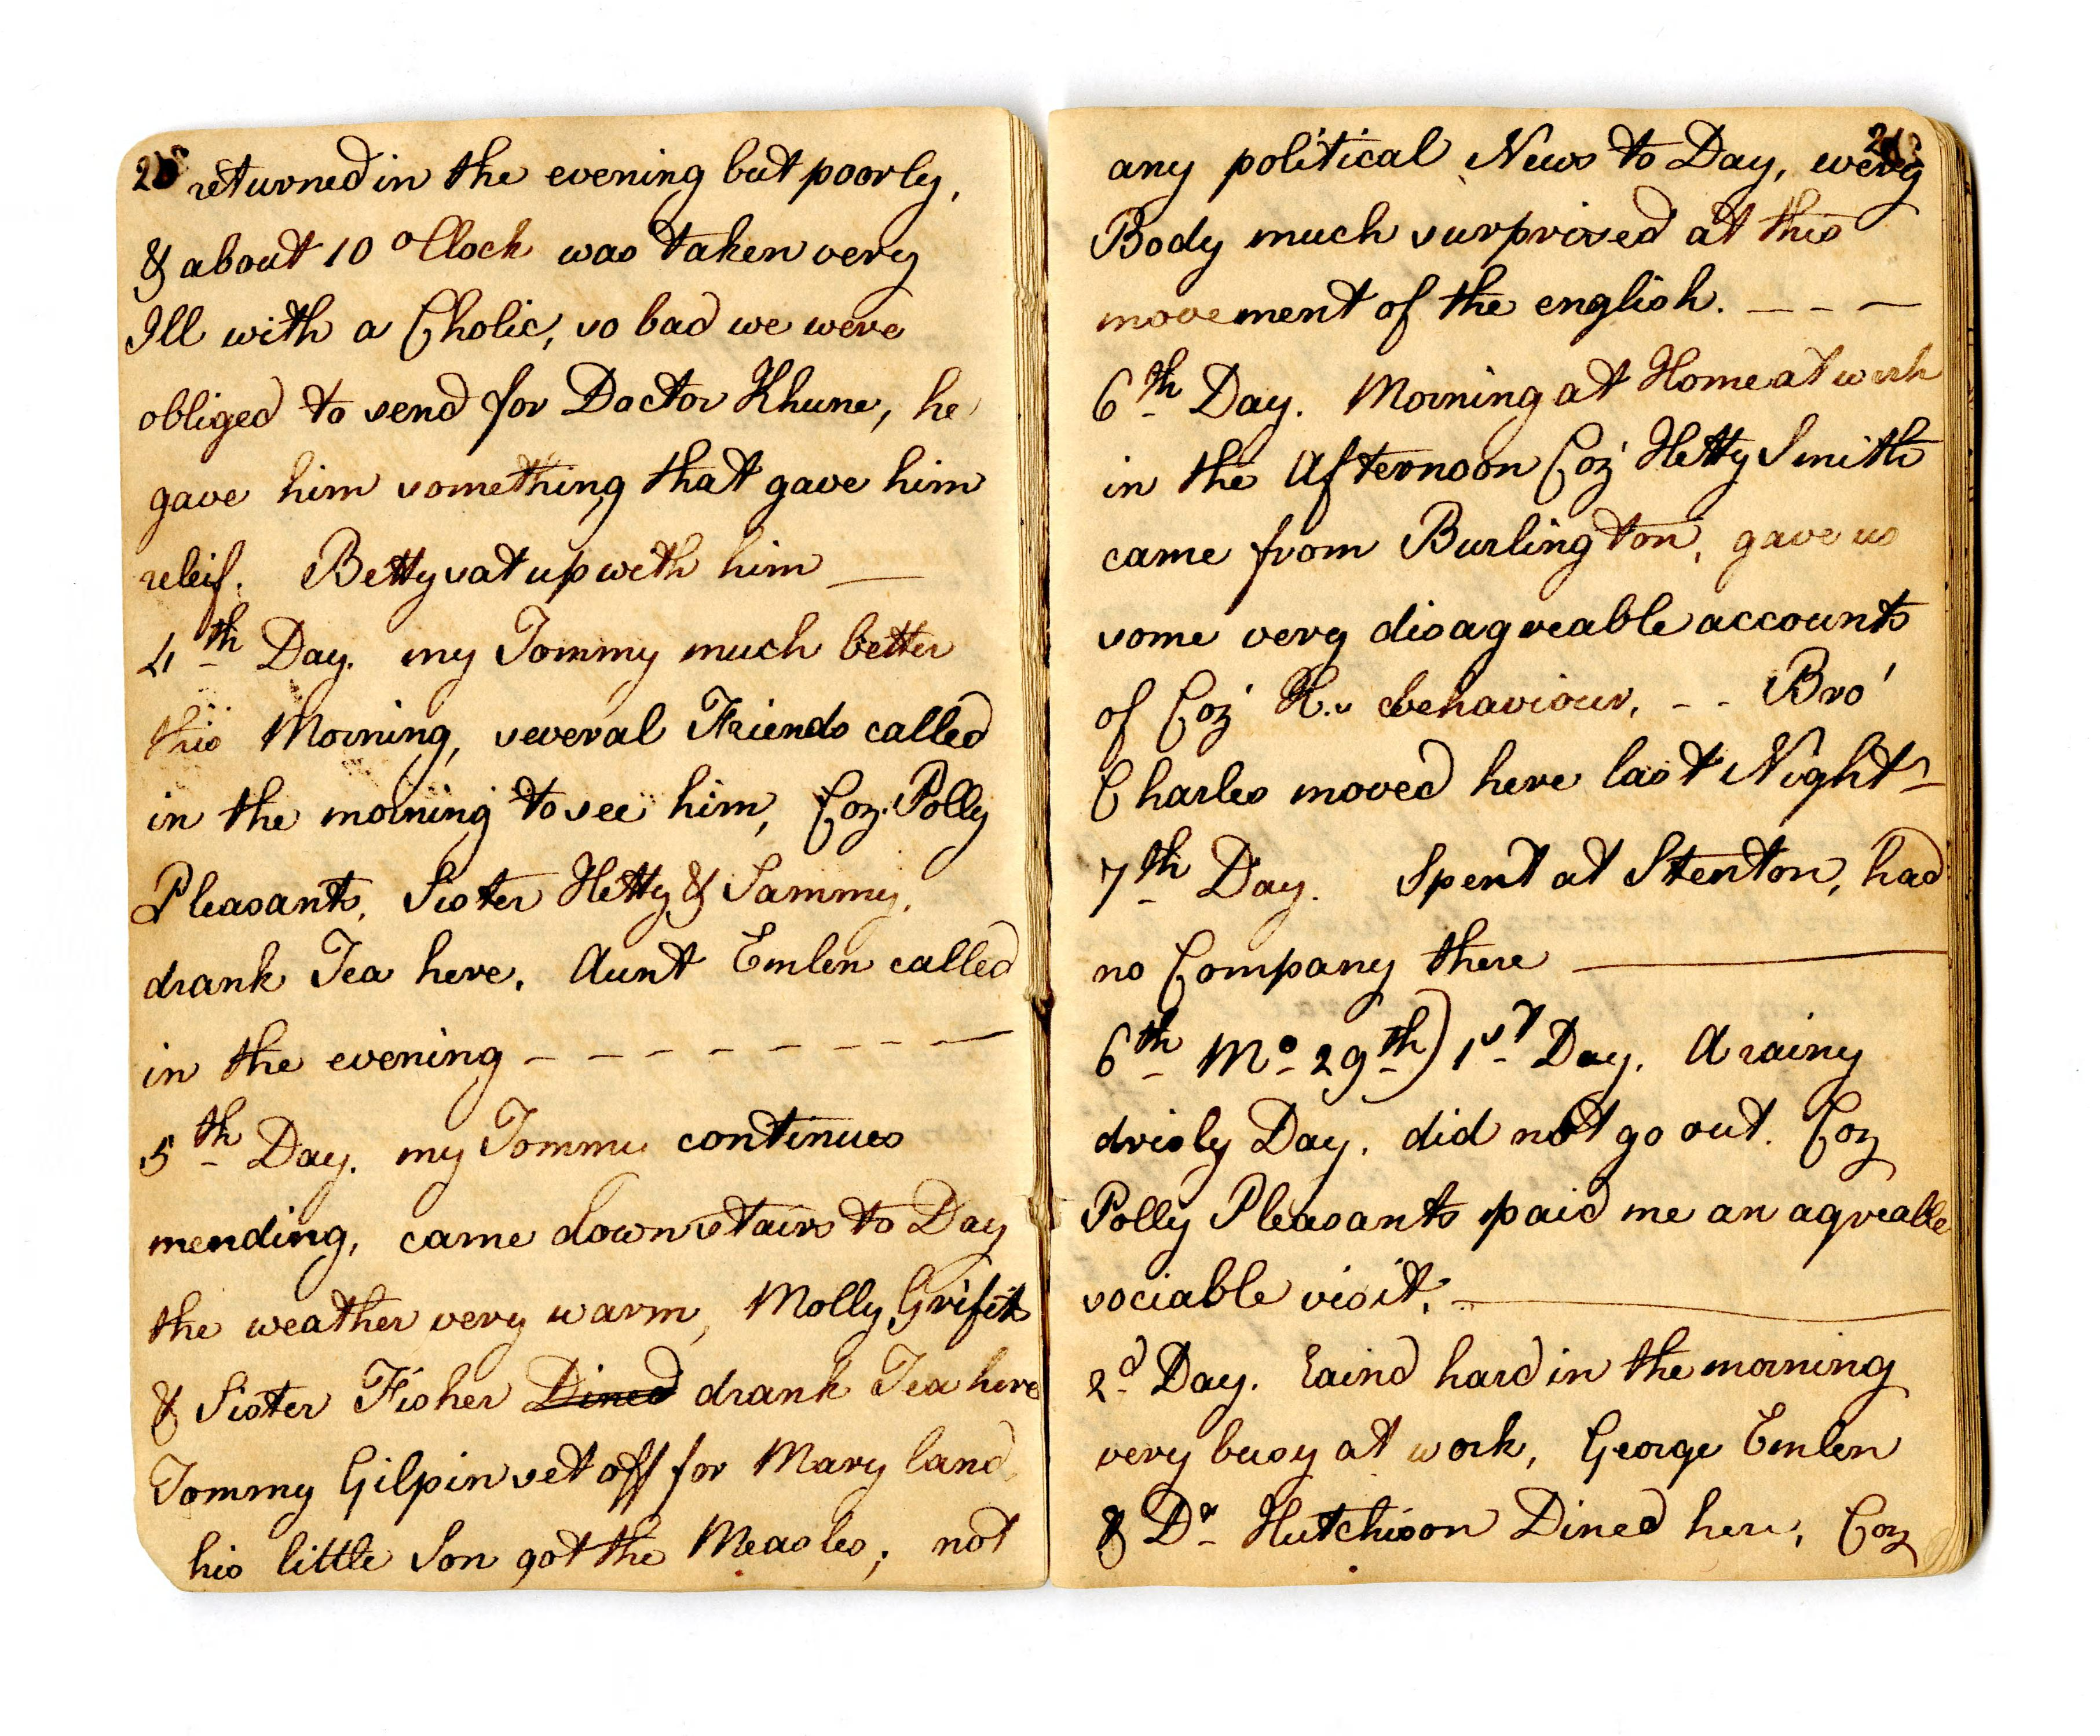returned in the evening but poorly,
& about 10 ^o Clock was taken very
Ill with a Cholic, so bad we were
obliged to send for Doctor Khune, he
gave him something that gave him
releif, Betty sat up with him-
4^th Day. my Tommy much better
this Morning, several Friends called
in the morning to see him, Coz. Polly
Pleasants, Sister Hetty & Sammy,
drank Tea here, Aunt Emlen called
in the evening----
5^th Day. my Tommy continues
mending, came downstairs to Day
the weather very warm, Molly Grifith
& Sister Fisher [Dined] drank Tea here
Tommy Gilpin set off for Mary land
his little Son got the Measles; not
any political News to Day, every
Body much surprised at this
movement of the english.---
6^th Day. Morning at Home at work
in the Afternoon Coz' Hetty Smith
came from Burlington, gave us
some very disagreable accounts
of Coz' H.s behaviour,-- Bro'
Charles moved here last Night-
7^th Day. Spent at Stenton, had
no Company there-
6^th M^o 29^th ) 1^st Day. A rainy
drisly Day. did not go out. Coz
Polly Pleasants paid me an agreable
sociable visit.-
2^d. Day. raind hard in the morning
very busy at work, George Emlen
& D^r Hutchinson Dined here, Coz